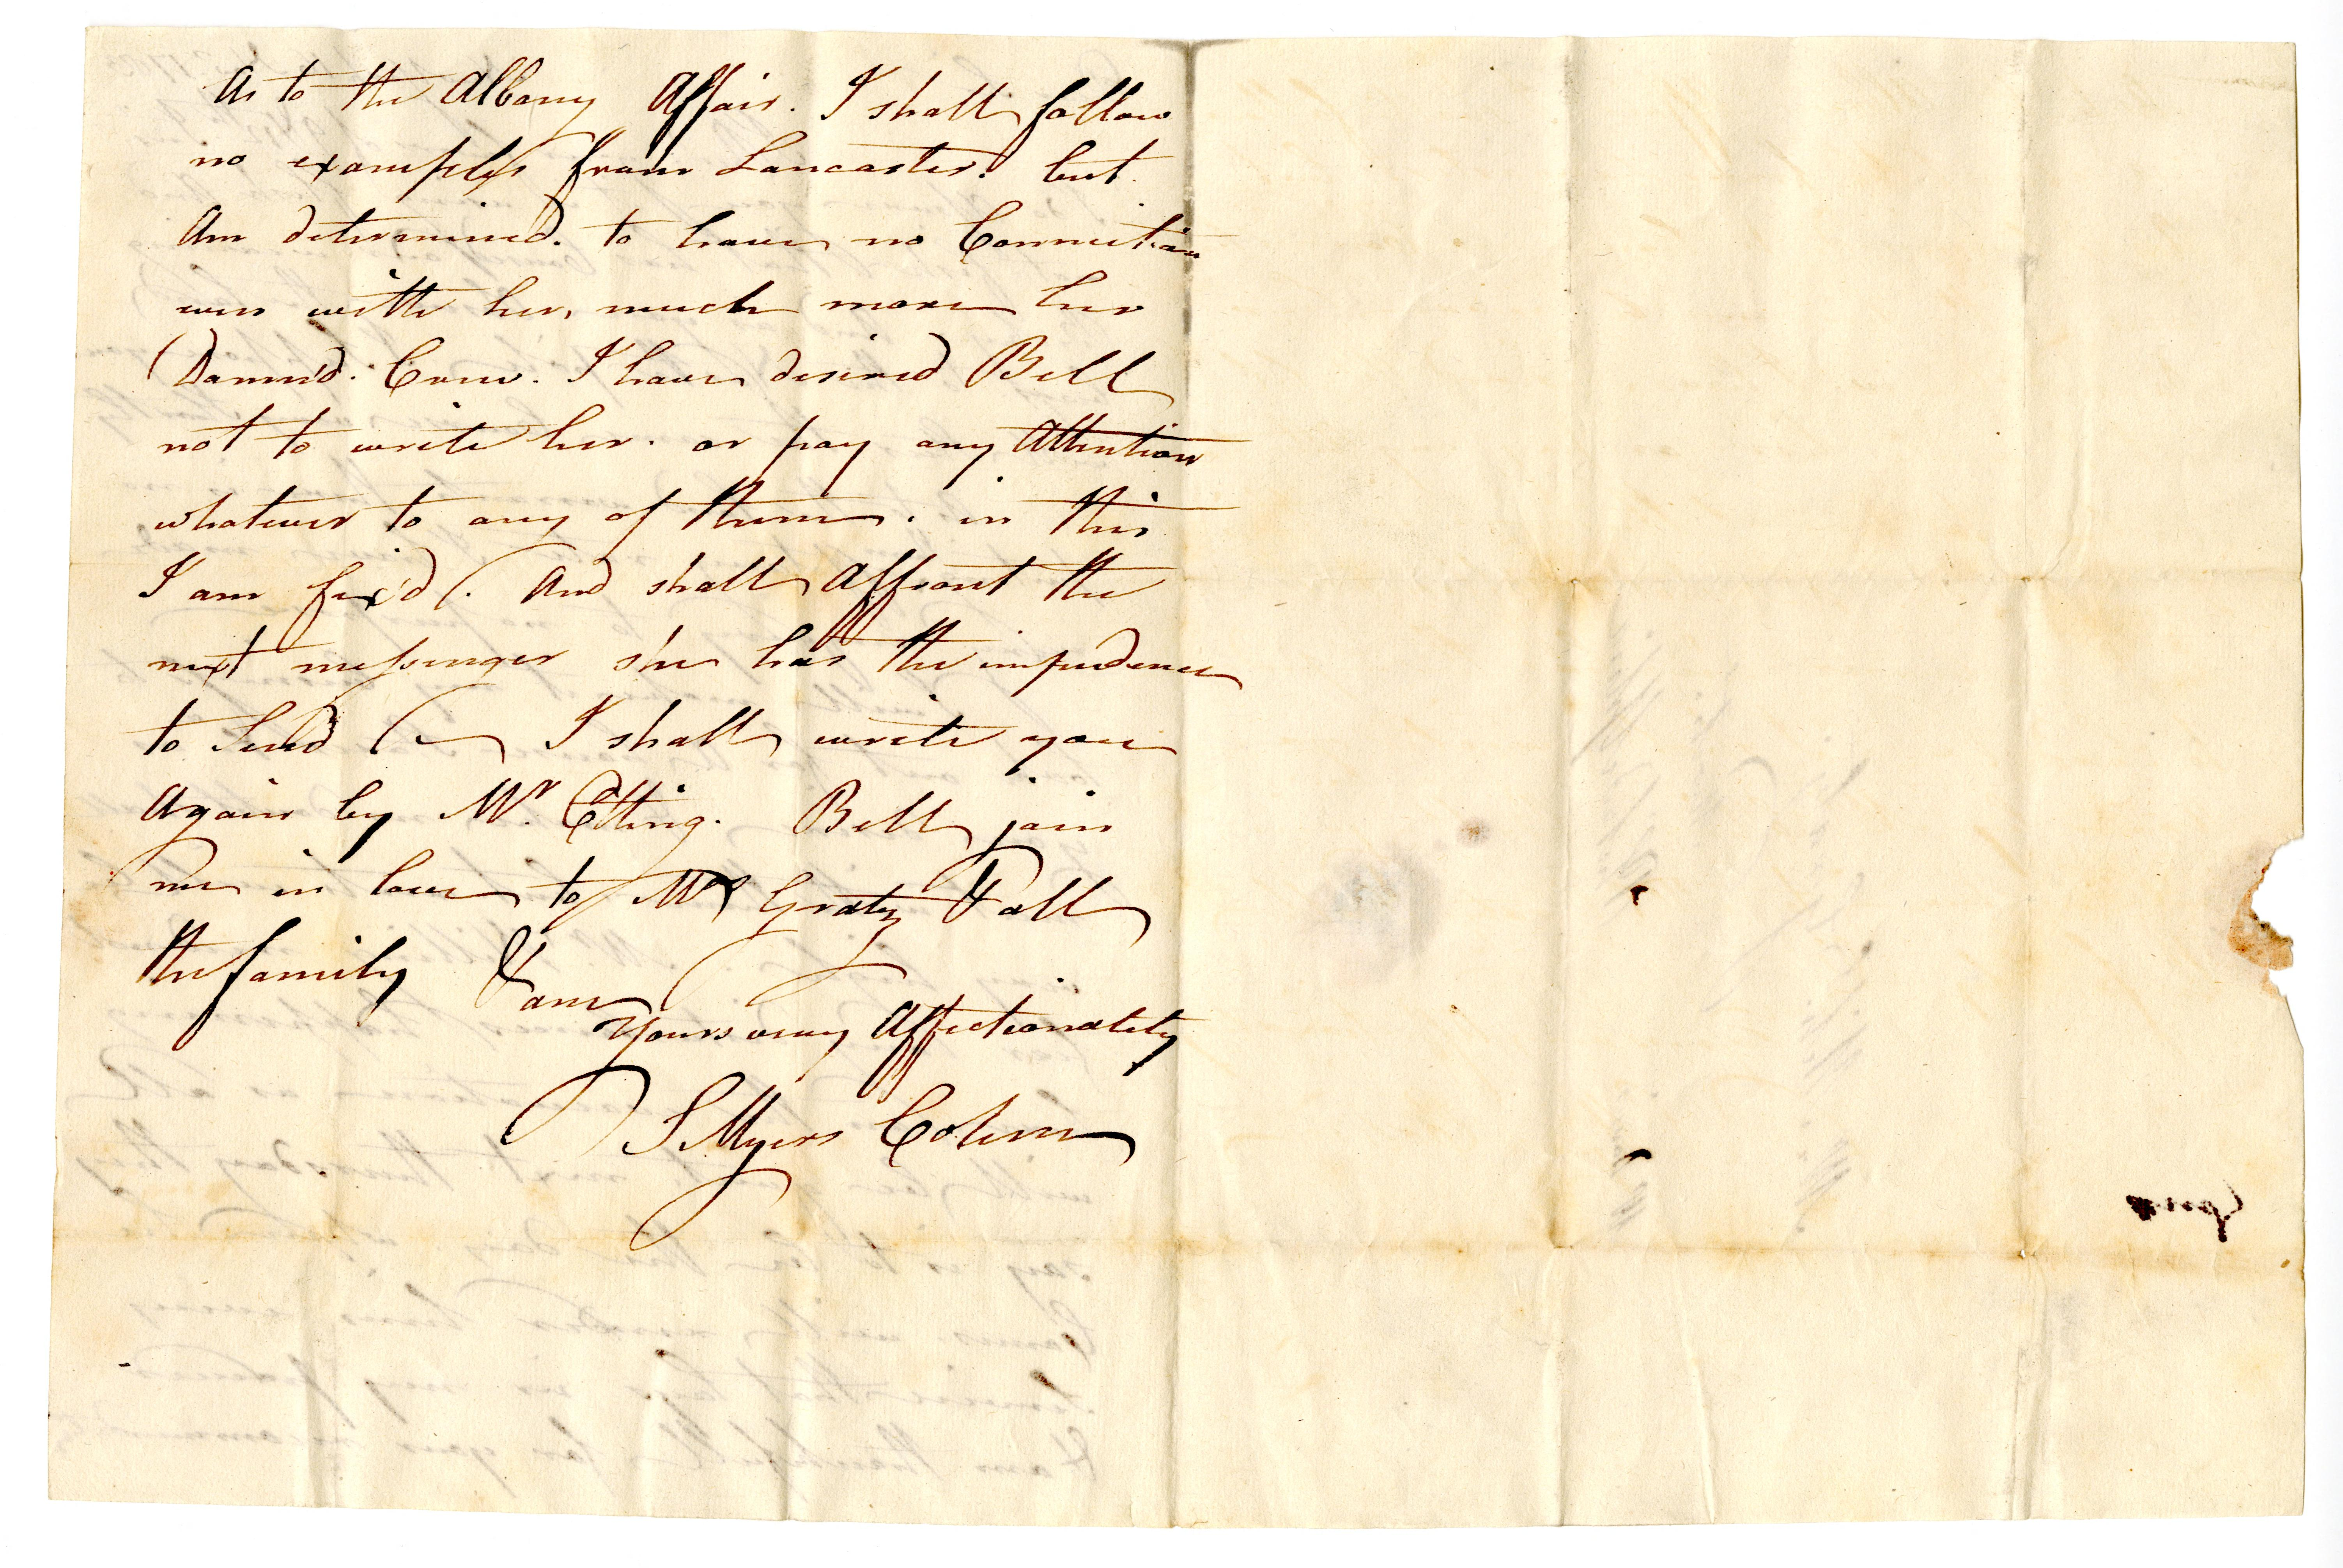As to the Albany Affair. I shall follow
no examples fromn Lancaster. But
An determined. to have no Connection
ever with her, much more care
Damm'd. Curse I have desired Bell
not to write her: or pay any attention
whatever to any of them in this
I am fix'd. and shall affront the
next messenger she has the impudence
to send.- I shall write you
Again by M^r. Etting. Bell joins
me in love to M^r Gratz & all
the family
& am
Yours very Affectionately
S Myers Cohen